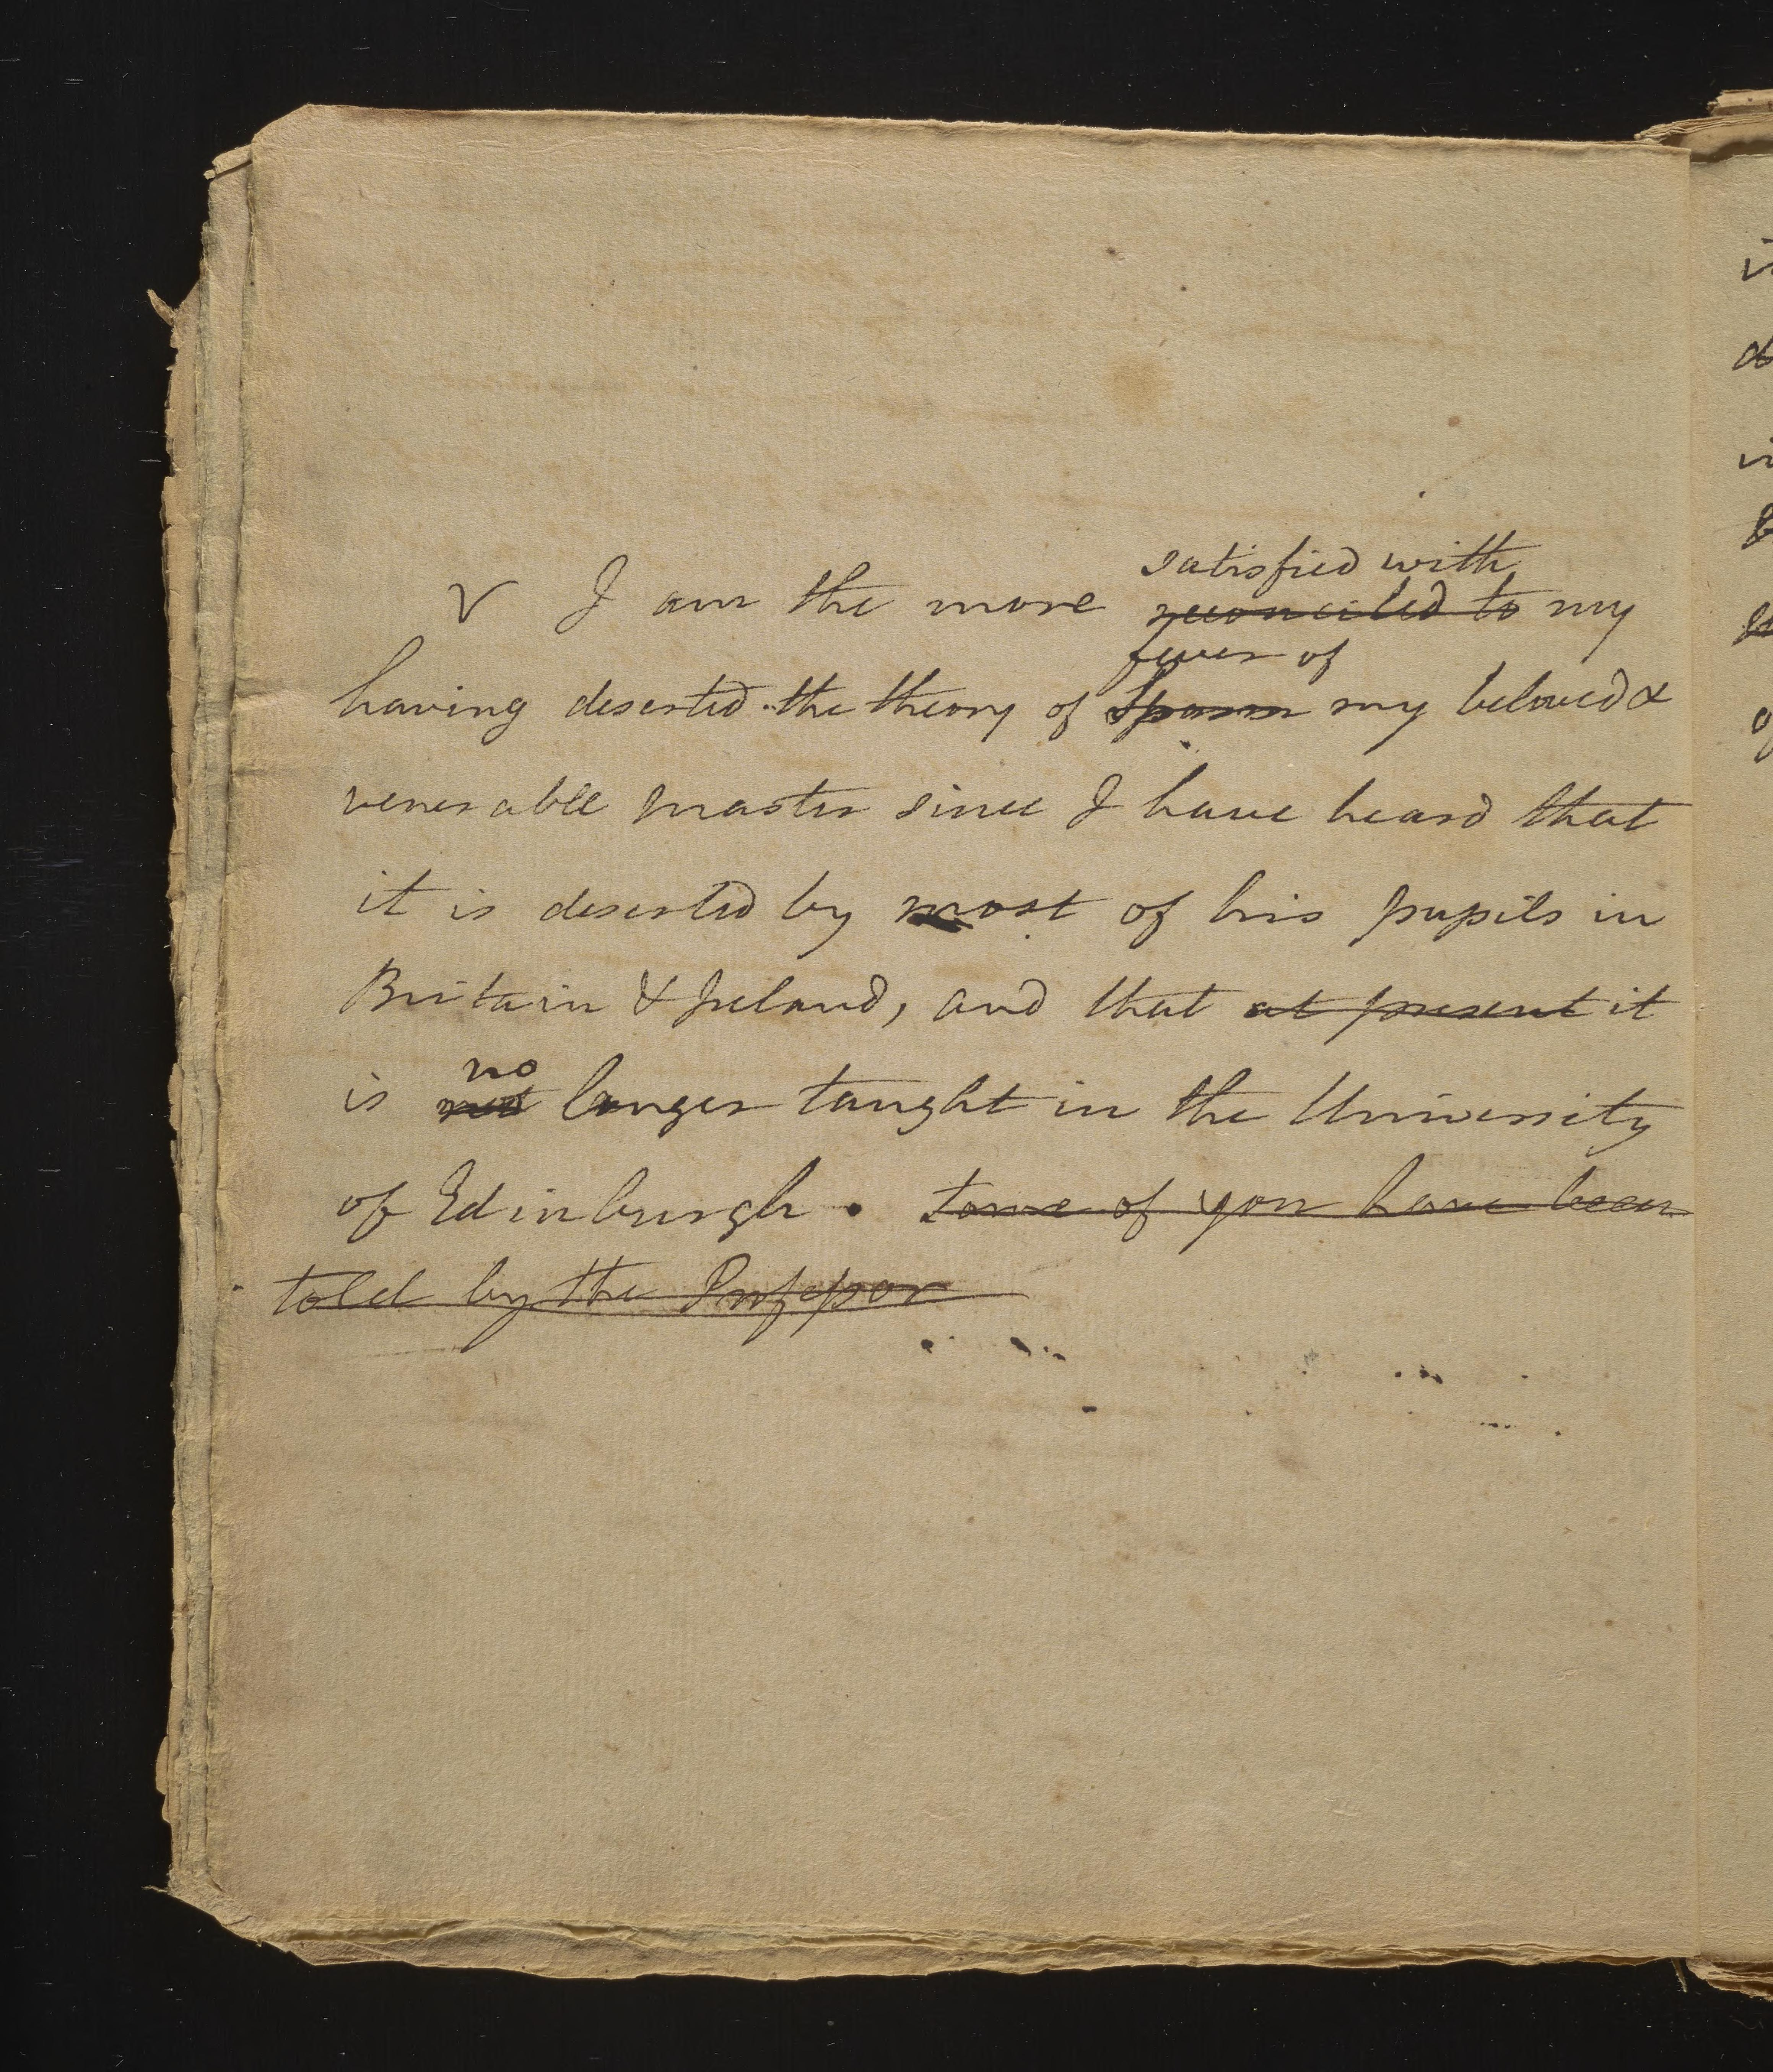satisfied with
V I am the more [reconciled] my
fever of
having deserted the theory of [Spasm] my beloved &
venerable master since I have heard that
it is deserted by most of his pupils in
Britain & Ireland, and that [at present] it
no
is [not] longer taught in the University
of Edinburgh. Those of you have been
todl by the Professor.